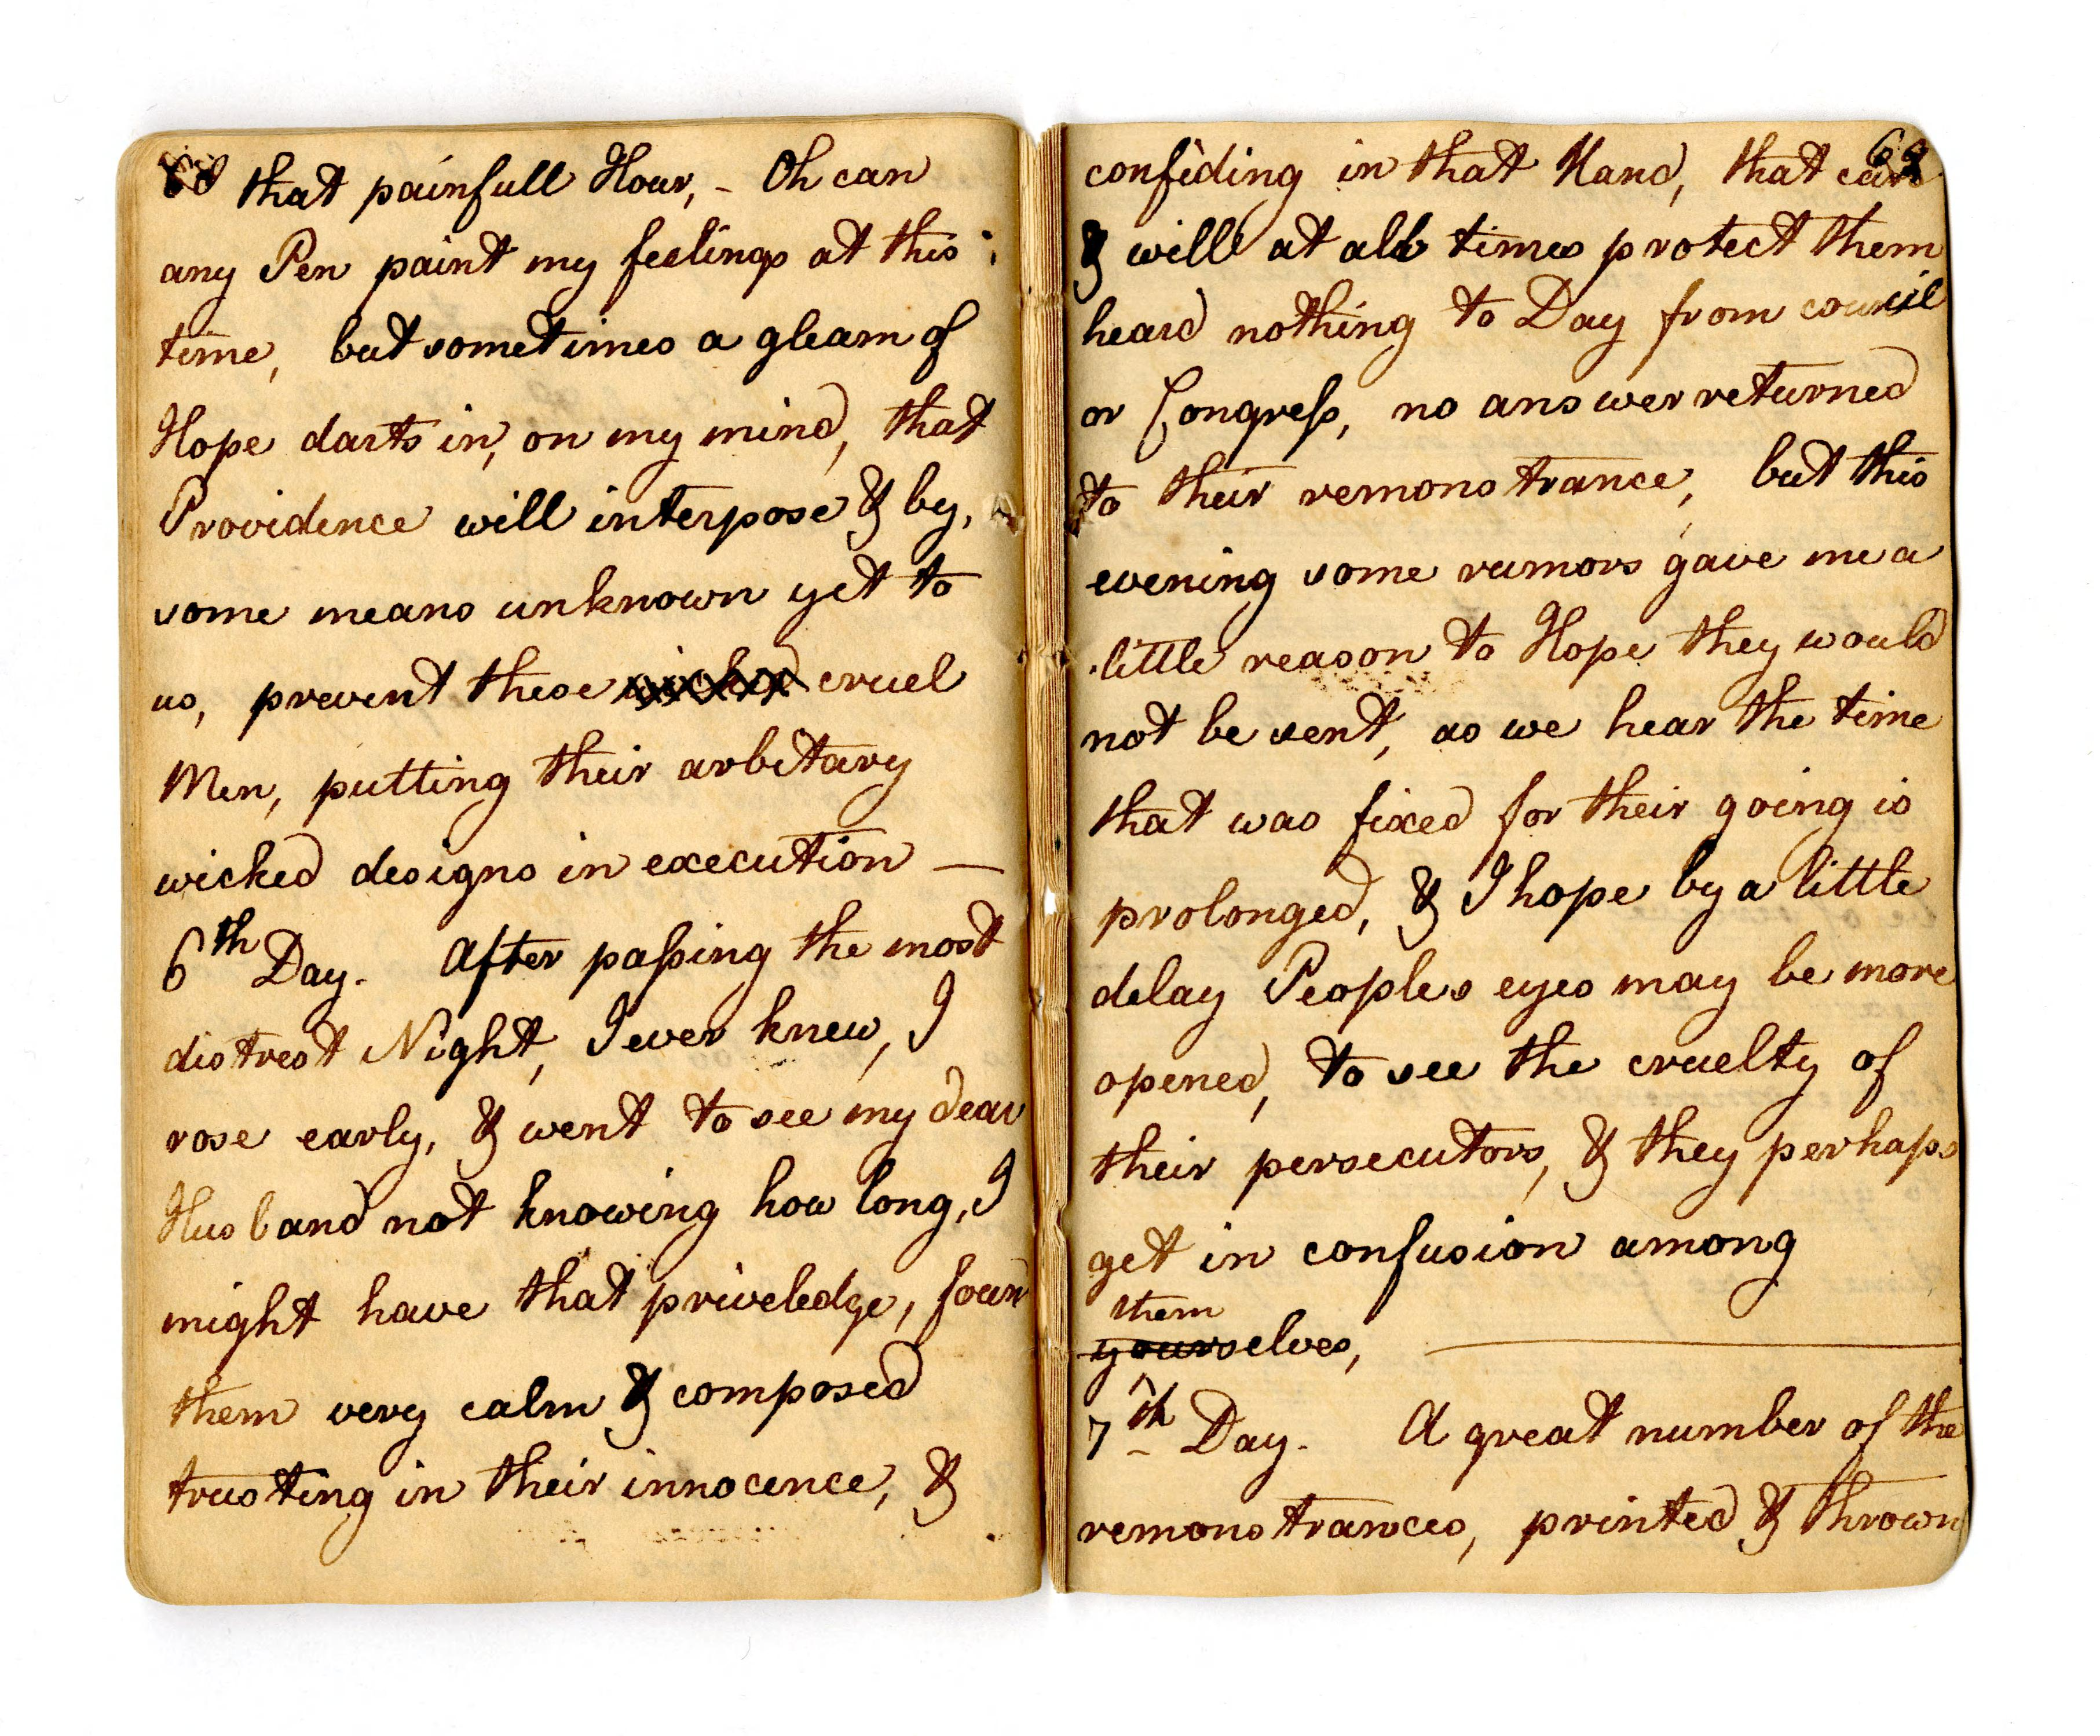that painfull Hour,- Oh can
any Pen paint my feelings at this
time, but sometimes a gleam of
Hope darts in, on my mind, that
Providence will interpose & by,
some means unknown yet to
us, prevent these [wicked] cruel
Men, putting their arbitary
wicked designs in execution-
6^th Day. After passing the most
distrest Night, I ever knew, I
rose early, & went to see my dear
Husband not knowing how long, I
might have that priveledge, found
them very calm & composed
trusting in their innocence, &
confiding in that Hand, that can
& will at all times protect them
heard nothing to Day from council
or Congress, no answer returned
to their remonstrance, but this
evening some rumors gave me a
little reason to Hope they would
not be sent, as we hear the time
that was fixed for their going is
prolonged, & I hope by a little
delay Peoples eyes may be more
opened, to see the cruelty of
their persecutors, & they perhaps
get in confusion among
them
^ [your]selves
7^th Day. A great number of the
remonstrances, printed & thrown